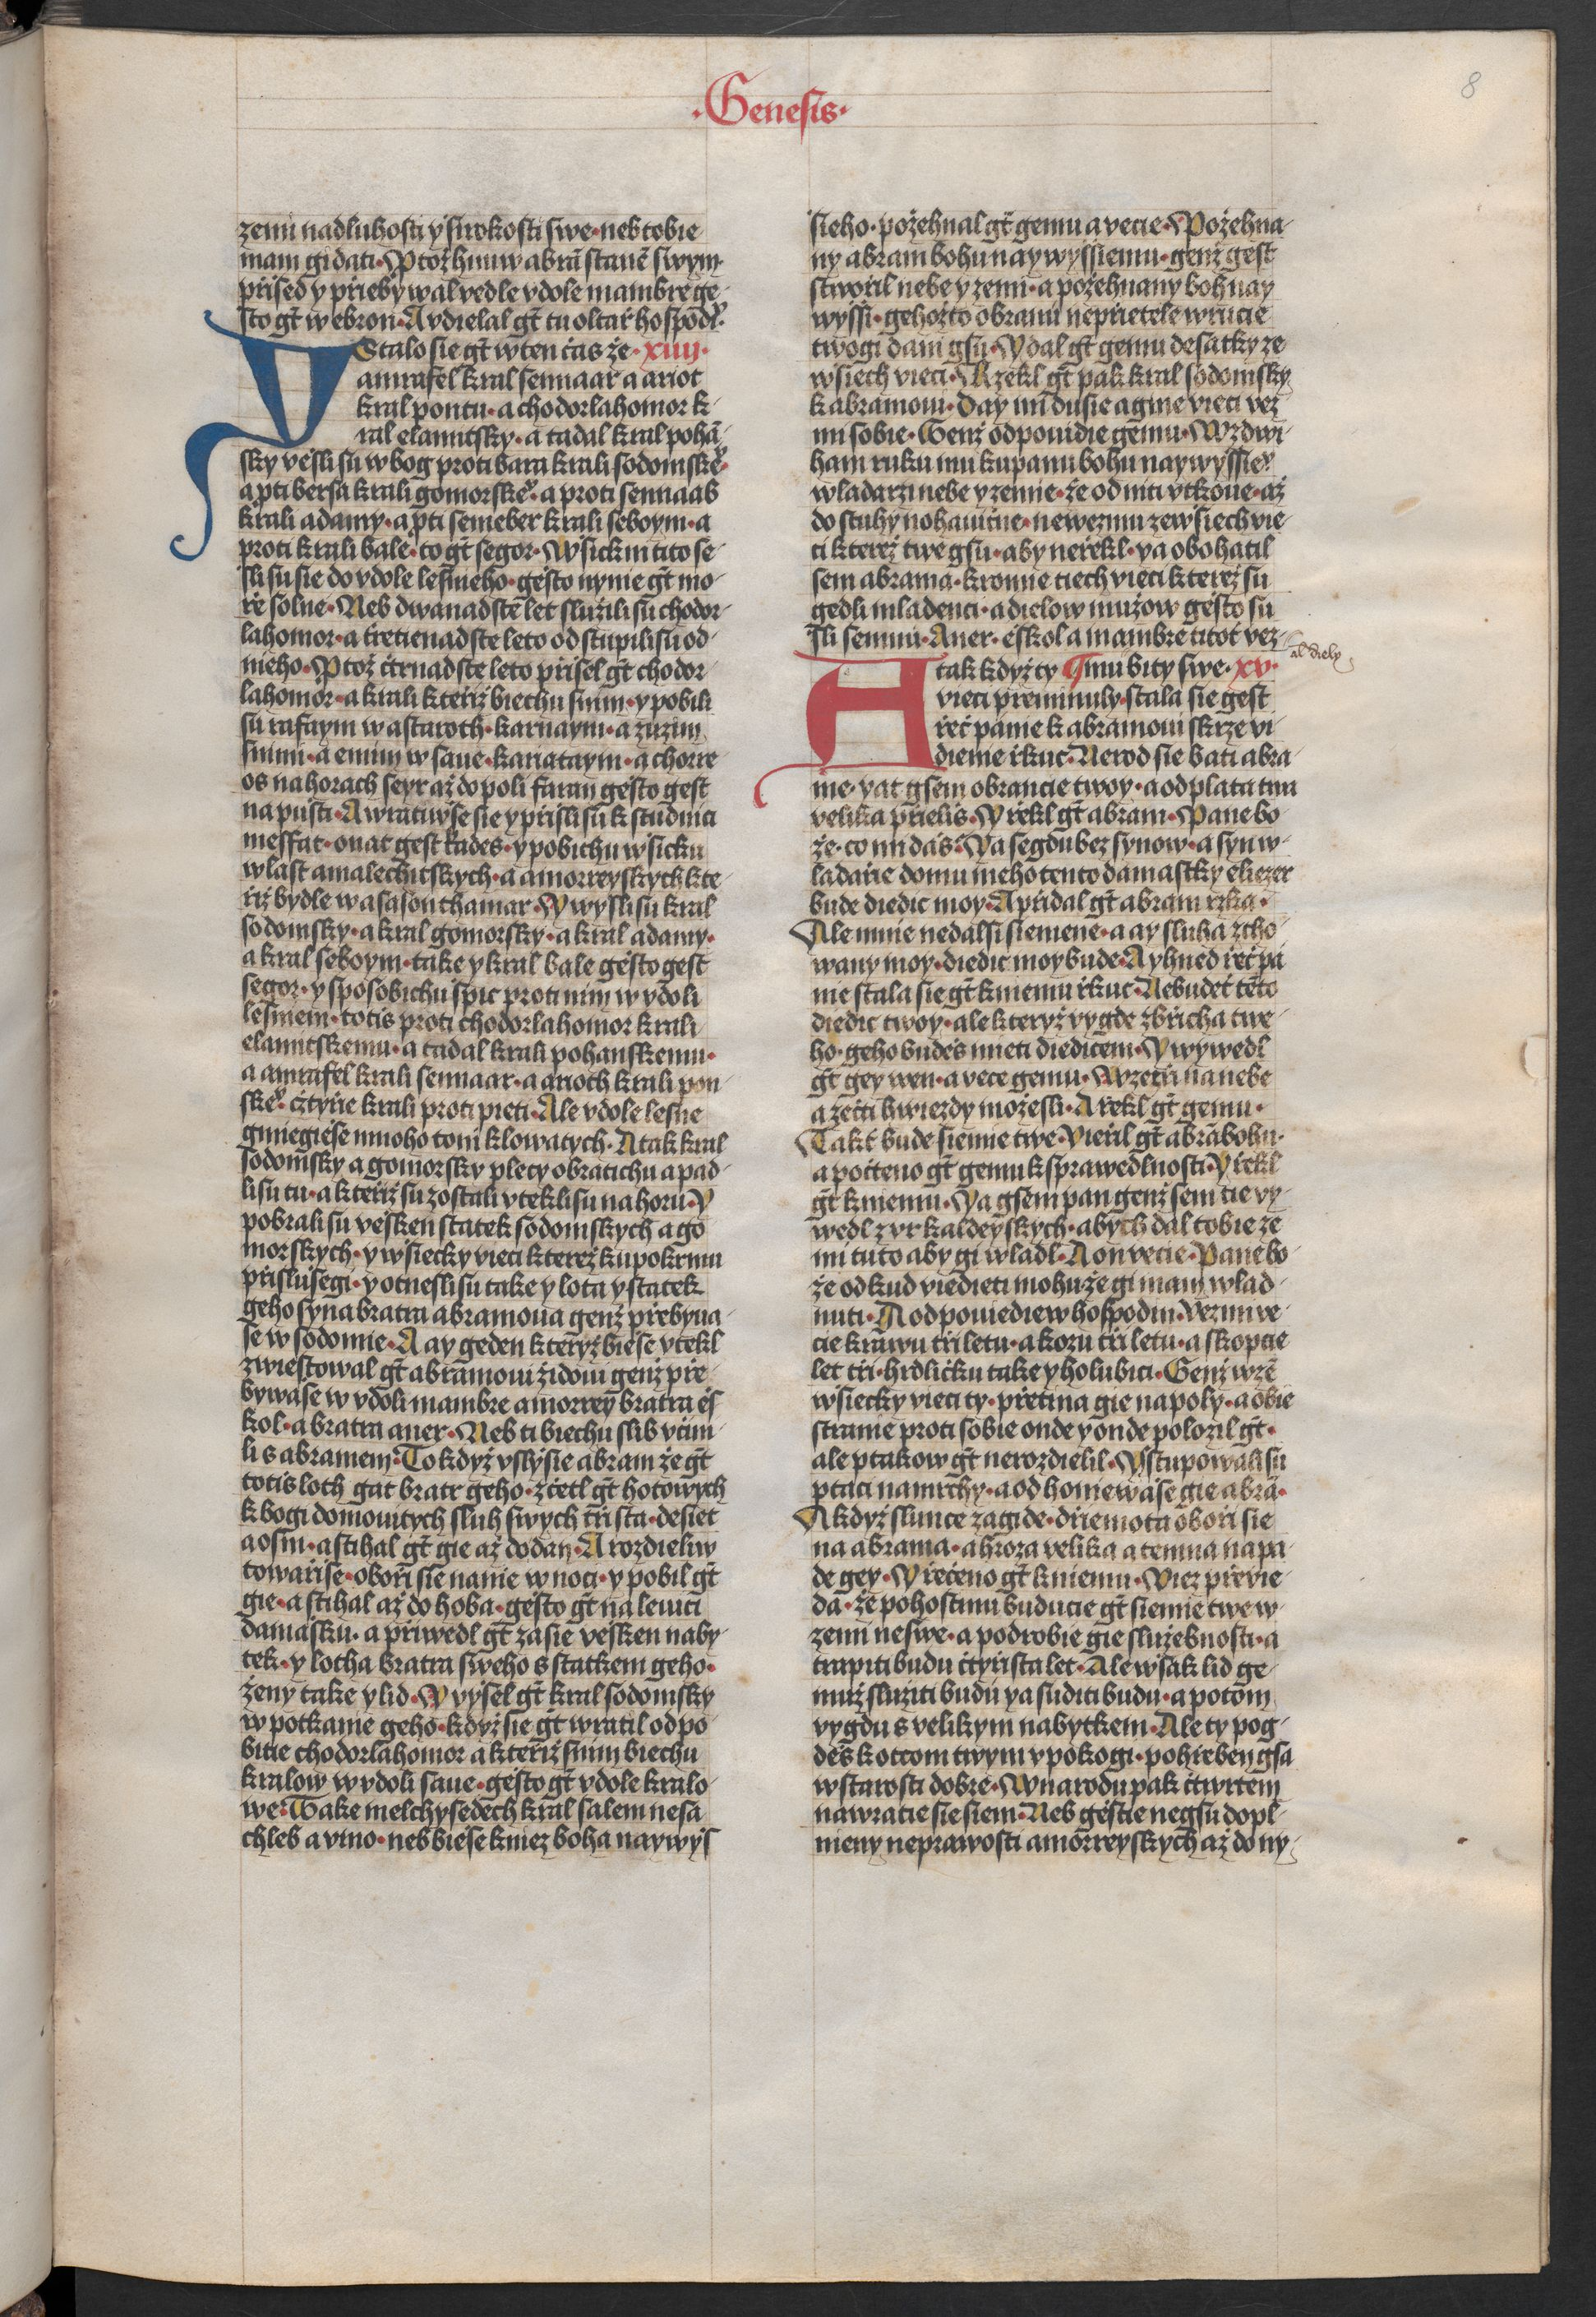.Geneſis.
zemi nadluhoſti ẛirokoſti ſwe.neb tobie
maní gi dati.Ꝓtoż hnuw abrā ſtanē ſwym.
pṙiẛed y pṙiebywal vedle vdole mambre ge¬
ẛto ḡt webron.A vdielal ḡt tu oltaṙ hoſpodiv.
Stalo ſie ḡt wten ċas że.xiiij.
amrafel kral ſemnaar a ariot
kral pontu.a chodorlahomor k¬
ral elamitſky.a tadal kral pohā
ſky veẛli ſu wbog proti bara krali ſodomſkev.
a ꝓti berſa krali gomorſkev a proti ſennaab
krali adamy.aꝓti ſemeber krali ſeboym.a
proti krali bale.to ḡt ſegor.Wẛickni tito ſe¬
ẛli ſu ſie do vdole leſnieho.geẛto nynie ḡt mo¬
ṙe ſolne.Neb dwanadſte let ſlużili ſu chodor¬
lahomor.a tṙetienadſte leto odſtupiliſu od¬
meho.Ꝓtoż ċtrnadſte leto pṙiẛel ḡt chodor¬
lahomor.a krali kteříż biechu ſnim.y pobili
ſu rafaym waſtaroth.karnaym.a zuzim
ſnimi.a emim w ſane.kanataym.a chore¬
os nahorach ſeyr aż do poli faran geẛto geſt
na puẛti.A wratiwẛ̇e ſie y pṙiẛli ſu k ſtudnici
meffat.onat geſt Rades.y pobichu wẛicku
wlaſt amalechitſkych.a amoreyſkych kte¬
ṙiż bydlé waſaſon thamar.Y wyẛli ſu kral
ſodomſky.a kral gomorſky.a kral adamy.
a kral ſeboym.take y kral bale geẛto geſt
ẛegoy.y ſpoſobichu ſpic proti nim n ydoli
leſniem.totiṡ proti chodorlahomor krali
elamitſkemu.a tadal krali pohanſkemu.
a amrafel krali ſemnaar.a arioch krali pō
ſkev cżtyṙie krali proti pieti.Ale y dole leſne
gmiegieẛe mnoho toni klowatych.Atak kral
ſodomſky a gomorſky plecy obratichu a pad¬
li ſu tu.a kteṙíż ſu zoſtali ytekliſu na horu.Y
pobrali ſu veẛken ſtatek ſodomſkych a geo
morſkych.y wẛiecky vieci ktereż kupokrmu
pṙiſluẛegi.y otneſli ſu take y lota y ſtatek
geho ſyna bratra abramoua genż pṙebyua¬
ſe w ſodomie.A ay geden kteryż bieẛe vtekl
zwieſtowal ḡt abramoui żidoui genż pṙe¬
bywaẛe w vdoli mambre a mozrey bratra eẛ¬
kol.a bratra aner.Neb ti bíechu ſlib vċiní
li s abraníem.To kdyż vſlyẛíe abram że ḡt
totiṡ loth gat bratr geho.zċetl ḡt hotowych
k bogi domouitych ſluh ſwych tṙi ſta.deſiet
a oſm.a ſtihal ḡt gie aż dodan.A rozdieliw
towaṙiẛe.oboṙi ſie nanie wnoci.y pobil ḡt
gie.a ſtihal aż do hoba.geẛto ḡt na leuici
damaſku.a pṙiwedl ḡt za ſie veẛken naby¬
tek.y lotha bratra ſweho sſtatkem geho.
żeny take ylid.Y vyẛel ḡt kral ſodomſky
w potkaníe geho.kdyż ſie ḡt wratil od po¬
bitie chodorlahomor a kteṙiż ſnim bíechu
kralow w ydoli ſaue.geẛto ḡt ydole kralo¬
we.Take melchyſedech kral ſalem neſa¬
chleb a vino.neb bíeẛe kniez boha naywyẛ¬
ẛieho.požehnal ḡt gemu a vecie.Pożehna¬
ny abram bohu naywyẛẛiemu.genż geſt
ſtwoṙil nebe y zemi.a pożehnany boh nay
wyẛẛi.gehożto obranú nepṙieteẛe wrucie
twogi dani gſi.Y dal ḡt gemu deſatky ze¬
wẛíech vieci.Rzekl ḡt pak kral ſodomſky
k abramoui.Day mi duẛie a gine veci wez¬
mi ſobie.Genż odpouidie gemu.Wzdwi¬
hanI ruku mu kupanu bohu naywyẛẛiev
wladarzi nebe y zemie.że odníti vtkoue.aż
do ſtuhy nohauiċne.newezmu ze wẛíech vie¬
ci ktereż twe gſu.aby neṙekl.ya obohatil
ſem abrama.kromie tiech vieci ktereż ſu
gedli mladencí.a dielow mużow geẛto ſu
ẛli ſemni. Aner.eẛkol a mambre titoṫ vez
tak kdyż ty mu bity ſwe.xv.
vieci preminuly.ſtala ſie geſt
ṙeċ panie k abramoui ſkrze vi¬
dieníe ṙkuc.Nerod ſie bati abra¬
me.yat gſem obrancie twoy.a odplata twa
welika pṙieliṡ.Y ṙekl ḡt abram.Pane bo¬
że.co mi daṡ?Ya ſegdu bez ſynow.a ſyn w¬
ladaṙie domu meho tento damaſtky eliezer.
bude diedic moy.A pṙidal ḡt abram rzka.
Ale mnie nedalſi ſiemene.a ay ſluha zcho¬
wany moy.diedic moy bude.A yhned ṙeċ pa¬
nie ſtala ſie ḡt k niemu ṙkuc.Nebudeṫ tēto
diedic twoy.ale kteryž vygde zbṙicha twe¬
ho.geho budeṡ mieti diedicem.Y wywedl
ḡt gey wen.a vece gemu.Wzezṙi na nebe
a zeċti hwiezdy możeẛli.A ṙekl ḡt gemu.
Takṫ bude ſiemie twe.Vieṙil ḡt abrā bohu.
a poċteno ḡt gemu k ſprawedlnoſti.Y ṙekl
ḡt kniemi.Ya gſem pan genž ſem tie yy¬
wedl z vr kaldeyſkych.abych dal tobie ze¬
mi tuto aby gi wladl. A on vecie.Pane bo¬
że od kud viedieti mohu.że gi mam wlad¬
nuti.A odpouiediew hoſpodin.Vezmi ve¬
cie krawu tṙíletu.a kozu tṙí letu.a ſkopcie
let tṙí.hrdliċku take y holubici.Genż wzē
wẛiecky vieci ty.pṙetina gie napoly.a obie¬
ſtranie proti ſobie onde y onde polożil ḡt.
ale ptakow ḡt nerozdielil.Yſtupowali ſu.
ptici na mrchy.a od honiewaẛe gie abrā.
A kdyż ſlunce zagide.dṙíemota ohoṙí ſie
na a brama.a hroza velika a temna na pa¬
de gey.Y ṙeċeno ḡt k niemu.Viez pṙevie¬
da.że pohoſtinu buducie ḡt ſiemie twe w
zemí neſwe.a podrobíe gie ſlużebnoſti.a
trapiti budu ċtyṙiſta let.Ale wẛak lid ge¬
muż ſlużiti budú ya ſuditi budu.a potom
vygdu s velikym nabytkem.Ale ty pog¬
deṡ k otcom twym y pokogi.pohṙeben gſa
wſtaroſti dobre.Wnarodu pak ċtwrtem
nawratie ſie ſiem.Neb geẛtie negſu dopl¬
meny neprawoſti amiozṙeyſkych aż do ny¬
āl diely